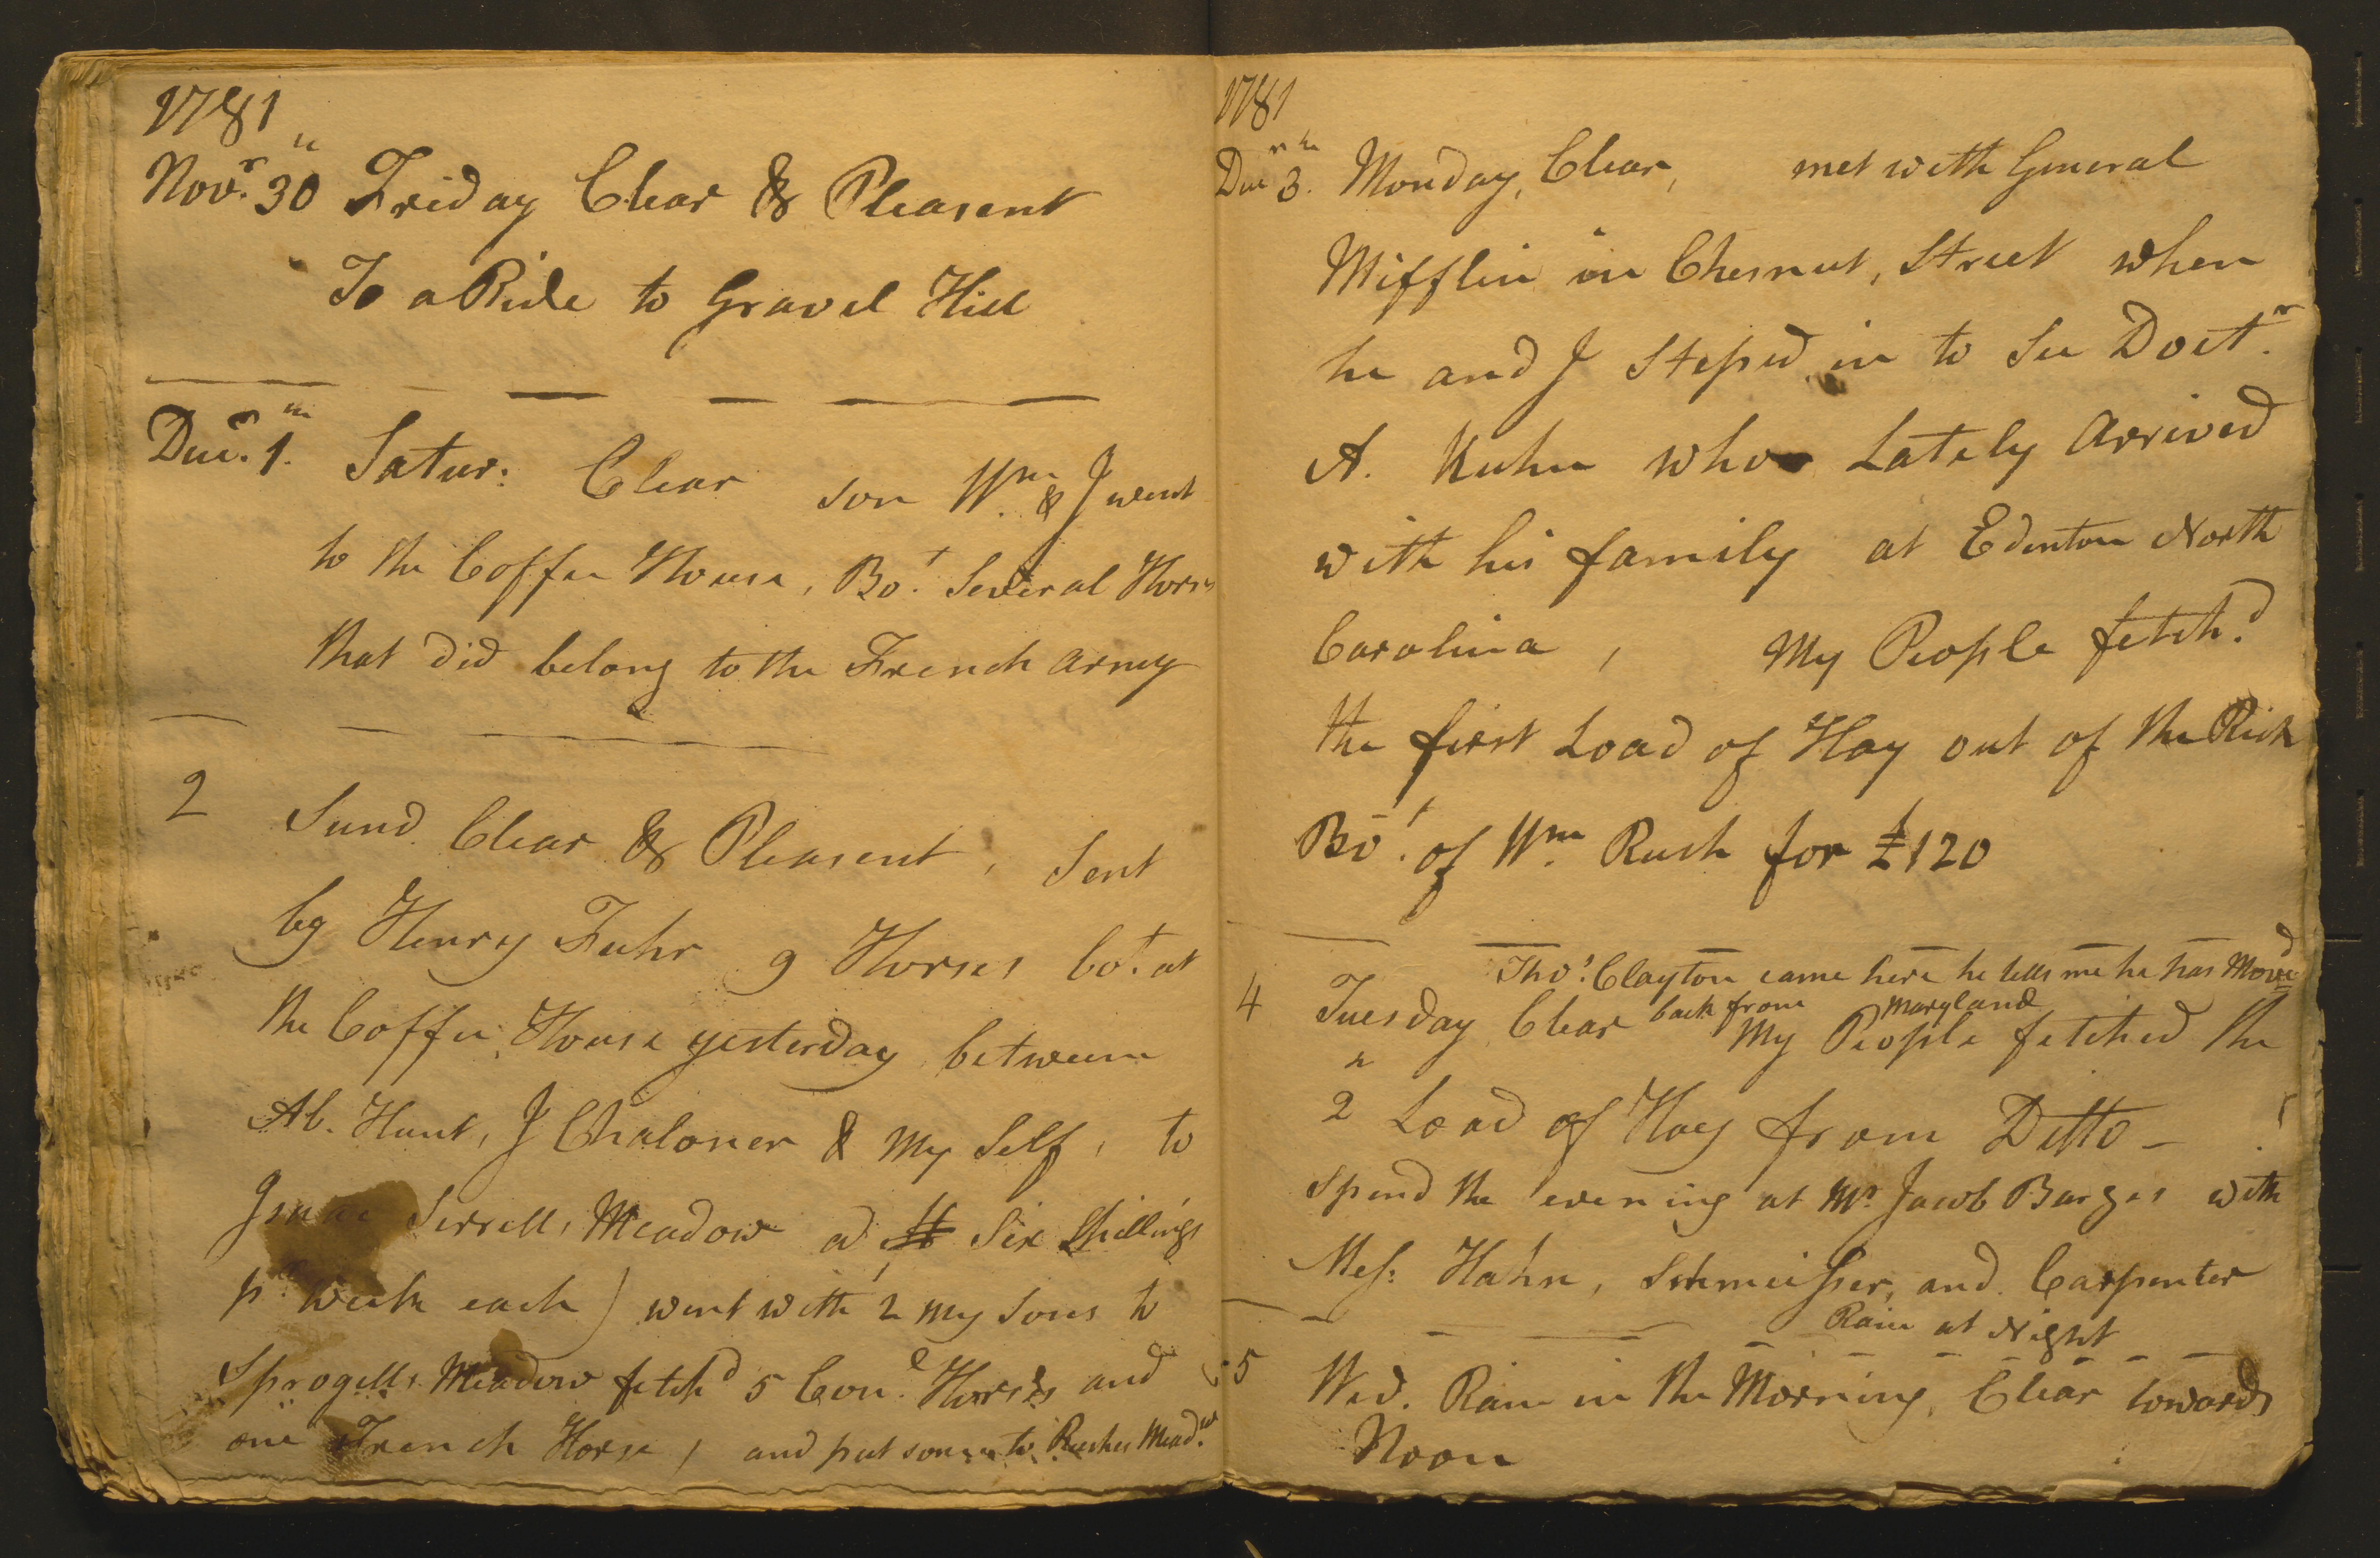1781
Nov^r. 30 Friday Clear & Pleasent
To a Ride to Gravel Heel
Dece^. 1. Satur: Clear son W^m & I went
to the Coffer House, Bo^t. Several Horses
that did belong to the French army
2 Sund Clear & Pleasent. Sent
by Henry Fuhr 9 Horses bo^t. at
the Coffer House yesterday between
Ab. Hunt, J Chaloner & My Self, to
Isaac Serrells Meadow @ [£6] Six shillings
p^r. week each) went with 2 My Sons to
Sprogills Meadow fetch^d 5 Con^l. Horrs & and
one French Horse, and put some to Rushes Mead^w.
1781
Dec^r 3^th. Monday, Clear, met with General
Mifflin on Chesnet, Street when
he and I steped in to see Doct^r.
A. Kuhn who Lately Arrived
with his family at Edenton North
Carolina, My People fetch^d.
the first Load of Hay out of the Rush
Bo^t. of W^m. Rush for £120
4 Tuesday Clear back from maryland
Tho^s. Clayton came here he tells me he has Move^d
My People fetched the
2^h Load of Hay from Ditto-
spend the evening at M^r. Jacob Barges with
Mes. Hahn, Schmeisser, and Carpenter
Rain at Night
5 Wed. Rain in the Morning, Clear towards
Noon